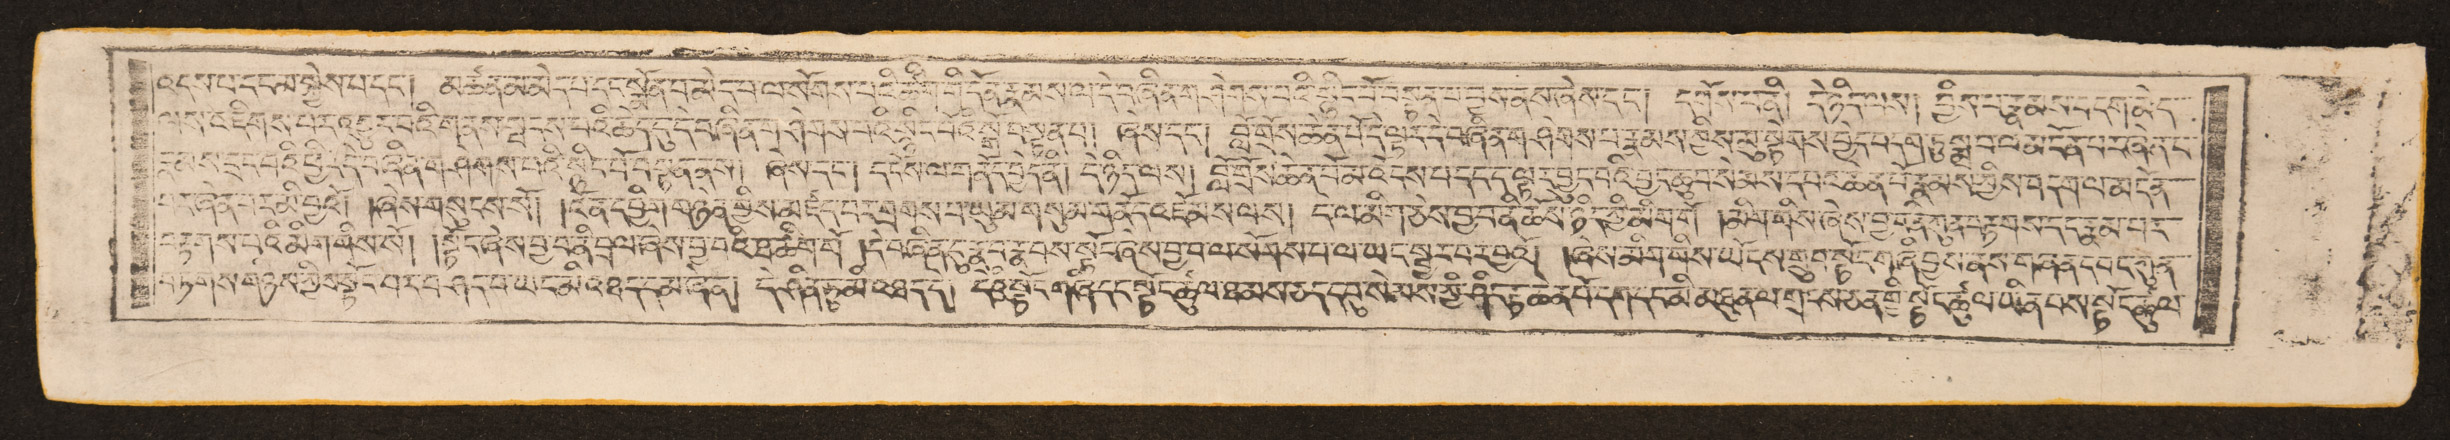འདས་པ་དང་མ་སྐྱེས་པ་དང་། མཚན་མ་མེད་པ་དང་སྨོན་པ་མེད་པ་ལ་སོགས་པའི་ཚིག་གི་དོན་རྣམས་ལ་དེ་བཞིན་གཤེགས་པའི་སྙིང་པོ་བསྟན་པ་བྱས་ནས་ཞེས་དང་། དགོས་པ་ནི། དེ་ཉིད་ལས། བྱིས་པ་རྣམས་བདག་མེད་
ལས་འཇིགས་པར་འགྱུར་བའི་གནས་སྤངས་པའི་ཆེད་དུ་དེ་བཞིན་གཤེགས་པའི་སྙིང་པོའི་སྒོ་བསྟན་པ། ཞེས་དང་། བློ་གྲོས་ཆེན་པོ་དེ་ལྟར་དེ་བཞིན་གཤེགས་པ་རྣམས་ཀྱིས་མུ་སྟེགས་བྱེད་བདག་ཏུ་སྨྲ་བ་ལ་མངོན་པར་ཞེན་པ་
རྣམས་དྲང་བའི་ཕྱིར་དེ་བཞིན་གཤེགས་པའི་སྙིང་པོ་བསྟན་ནས། ཞེས་དང་། དངོས་ལ་གནོད་བྱེད་ནི། དེ་ཉིད་ལས། བློ་གྲོས་ཆེན་པོ་མ་འོངས་པ་དང་ད་ལྟར་བྱུང་བའི་བྱང་ཆུབ་སེམས་དཔའ་ཆེན་པོ་རྣམས་ཀྱིས་བདག་ལ་མངོན་
པར་ཞེན་པར་མི་བྱའོ། །ཞེས་གསུངས་སོ། །འོ་ན་དབྱིག་གཉེན་གྱིས་མཛད་པར་གྲགས་པ་ཡུམ་གསུམ་གནོད་འཇོམས་ལས། དེ་ལ་མིག་ཅེས་བྱ་བ་ནི་ཆོས་ཉིད་ཀྱི་མིག་གོ །མིག་གིས་ཞེས་བྱ་བ་ནི་ཀུན་བརྟགས་དང་རྣམ་པར་
བརྟགས་པའི་མིག་གིས་སོ། །སྟོང་ཞེས་བྱ་བ་ནི་བྲལ་ཞེས་བྱ་བའི་ཐ་ཚིག་གོ །དེ་བཞིན་དུ་རྣ་བརྣ་བས་སྟོང་ཞེས་བྱ་བ་ལ་སོགས་པ་ལ་ཡང་སྦྱར་བར་བྱའོ། །ཞེས་མིག་གིས་ཡོངས་གྲུབ་སྟོང་གཞི་བྱས་ནས་གཞན་དབང་ཀུན་
བཏགས་གཉིས་ཀྱིས་སྟོང་བར་བཤད་པ་ཡང་མི་འཐད་དམ་ཞེ་ན། དེ་ཤིན་ཏུ་མི་འཐད་དེ། དེའི་སྟོང་གཞི་དང་སྟོང་ཚུལ་ཐམས་ཅད་དབུ་སེམས་ཀྱི་ཤིང་རྟ་ཆེན་བོ་དག་དང་མི་མཐུན་ལ་གྲངས་ཅན་གྱི་སྟོང་ཚུལ་ཡིན་པས་སྟོང་ཚུལ་